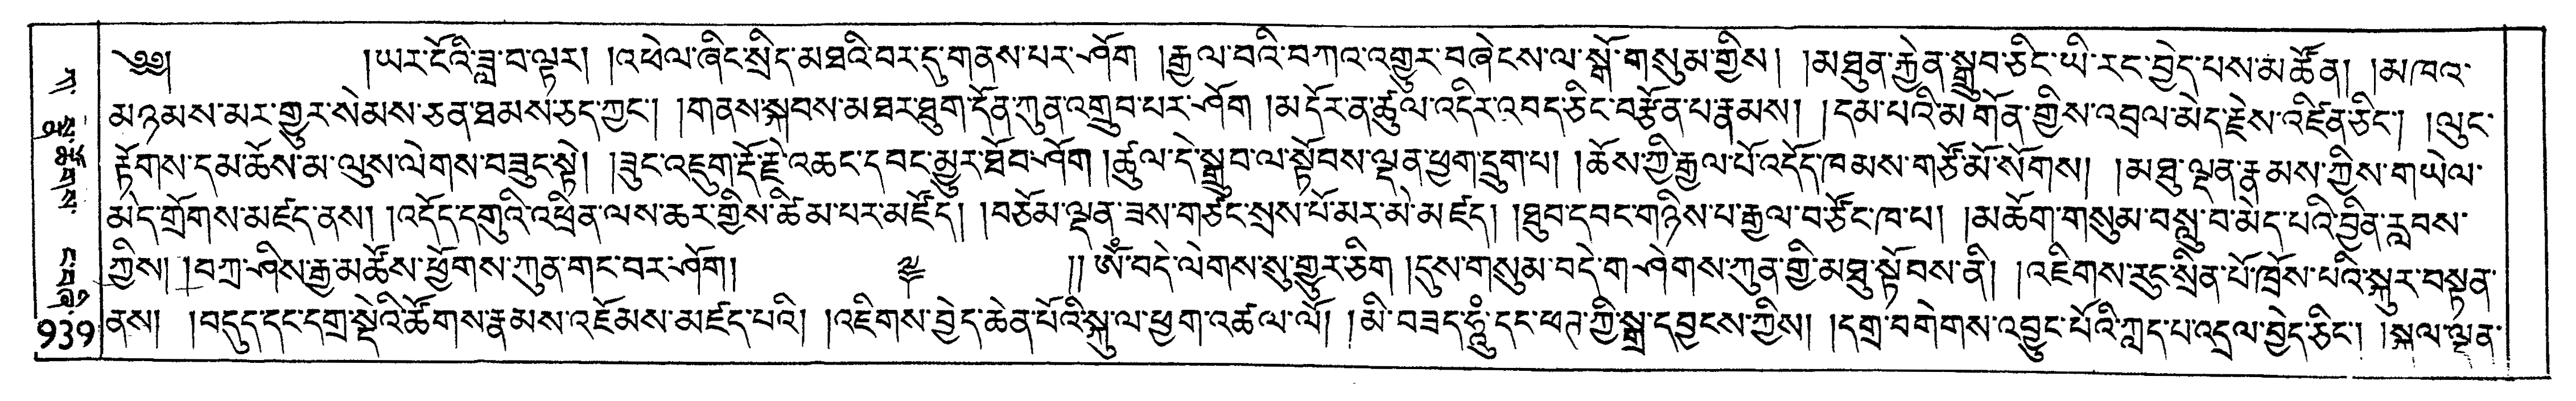༄༅། །ཡར་ངོའི་ཟླ་བ་ལྟར། །འཕེལ་ཞིང་སྲིད་མཐའི་བར་དུ་གནས་པར་ཤོག །རྒྱལ་བའི་བཀའ་འགྱུར་བཞེངས་ལ་སྒོ་གསུམ་གྱིས། །མཐུན་རྐྱེན་སྒྲུབ་ཅིང་ཡི་རང་བྱེད་པས་མཚོན། །མཁའ་
མཉམས་མར་གྱུར་སེམས་ཅན་ཐམས་ཅད་ཀྱང་། །གནས་སྐབས་མཐར་ཐུག་དོན་ཀུན་འགྲུབ་པར་ཤོག །མདོར་ན་ཚུལ་འདིར་འབད་ཅིང་བརྩོན་པ་རྣམས། །དམ་པའི་མགོན་གྱིས་འབྲལ་མེད་རྗེས་འཛིན་ཅིང་། །ལུང་
རྟོགས་དམ་ཆོས་མ་ལུས་ལེགས་བཟུང་སྟེ། །ཟུང་འཇུག་རྡོ་རྗེ་འཆང་དབང་མྱུར་ཐོབ་ཤོག །ཚུལ་དེ་སྒྲུབ་ལ་སྟོབས་ལྡན་ཕྱག་དྲུག་པ། །ཆོས་ཀྱི་རྒྱལ་པོ་འདོད་ཁམས་གཙོ་མོ་སོགས། །མཐུ་ལྡན་རྣམས་ཀྱིས་གཡེལ་
མེད་གྲོགས་མཛད་ནས། །འདོད་དགུའི་འཕྲིན་ལས་ཆར་གྱིས་ཚིམ་པར་མཛོད། །བཅོམ་ལྡན་ཟས་གཙང་སྲས་པོ་མར་མེ་མཛད། །ཐུབ་དབང་གཉིས་པ་རྒྱལ་བ་ཙོང་ཁ་པ། །མཆོག་གསུམ་བསླུ་བ་མེད་པའི་བྱིན་རླབས་
ཀྱིས། །བཀྲ་ཤིས་རྒྱ་མཚོས་ཕྱོགས་ཀུན་གང་བར་ཤོག ། ༈ །།ཨོཾ་བདེ་ལེགས་སུ་གྱུར་ཅིག །དུས་གསུམ་བདེ་གཤེགས་ཀུན་གྱི་མཐུ་སྟོབས་ནི། །འཇིགས་རུང་སྲིན་པོ་ཁྲོས་པའི་སྐུར་བསྟན་
ནས། །བདུད་དང་དགྲ་སྡེའི་ཚོགས་རྣམས་འཇོམས་མཛད་པའི། །འཇིགས་བྱེད་ཆེན་པོའི་སྐུ་ལ་ཕྱག་འཚལ་ལོ། །མི་བཟད་ཧཱུཾ་དང་ཕཊ་ཀྱི་སྒྲ་དབྱངས་ཀྱིས། །དགྲ་བགེགས་འབྱུང་པོའི་ཀླད་པ་འདྲལ་བྱེད་ཅིང་། །སྐལ་ལྡན་